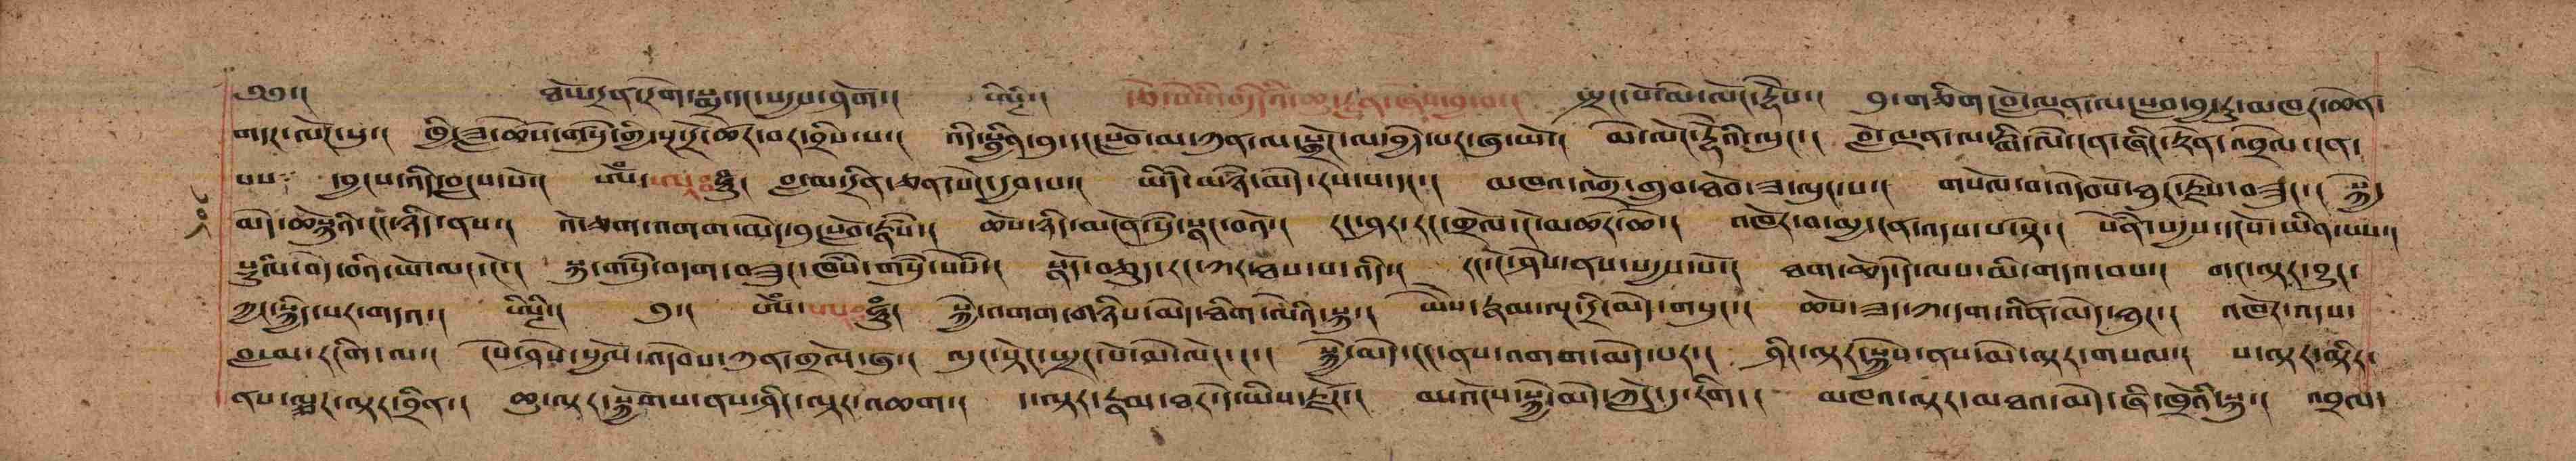༄༅་། ཐོས་དྲན་རེག་སྨྲ་དང་སངས་རྒྱས་ཤོག ཨིཊི།བརྩེ་སེམས་བདུད་རྩིའི་ཆུ་རྒྱུན་ཞེས་བྱ་བ། སྤྲང་པོ་མེ་ལོང་རྡོ་རྗེས་། བུ་གཅིག་བློ་ལྡན་ལ་སླབ་བྱ་རུ་མཁར་ཆེན་
གདགས་ལོགས་སུ། ཁྱི་ཟླ་ཚེས་གསུམ་གྱི་སྔ་དྲོ་ཚར་བར་བྲིས་པ། འདི་སྦྱིན་བུ་དང་སློབ་མ་ཀུན་ལ་སྒྲོགས་ལ་བྱེད་པར་ཞུ། མེ་ལོང་རྡོ་རྗེའི་ལུང་། བློ་ལྡན་ལ་རྨི་ལམ་ངན་ཞིང་རྟེན་འབྲེལ་ངན་
པས༑ དབྱངས་འདི་བླངས་སོ། ཨོཾ་ཨཱཿཧཱུཾ། བླ་མ་དྲིན་ཅན་སེང་རྒྱབ་པ། ཡི་དམ་མཉམ་མེད་རེས་ས་དང་། མཁའ་འགྲོ་གྲུབ་ཐོབ་ཟ་ལུང་པ། གསོལ་བ་འདེབས་སོ་ཐུགས་རྗེས་བཟུང་། སྐྱེ་
མེད་ཆོས་སྐུའི་ངང་ཉིད་ནས། འོ་ཅག་འགག་མེད་བུ་སློབ་རྣམས། ཆོས་ཉིད་མངོན་གསུམ་སྣང་བའོ། རང་ཤར་རང་གྲོལ་ངོ་མཚར་ཆེ། འཁོར་བ་མྱ་ངན་འདས་པ་སྟེ། སེམས་ཅན་སངས་རྒྱས་དངོས་ཡིན་པས། 
སྡུག་བསྔལ་བདེ་བའི་ཡོ་ལང་ངོ། སྐུ་གསུམ་བདག་བཟུང་ཁམས་གསུམ་སེམས། སྣོད་བཅུད་རང་ཀར་ཐས་པ་འདི། རང་ངོ་ཤེས་ནས་སངས་རྒྱས་སོ། ཐག་ཆོད་དེ་ལས་མི་གདའ་བས། གང་ལྟར་བྱུང་
ཀྱང་སྐྱིད་པར་གདའ། ཨིཊི། ༄་། ཨོཾ་ཨཱཿཧཱུཾ། སྐྱེ་འགག་གཉིས་མེད་ཐིག་ལེའི་སྐུ། ཡེ་ཤེས་རྣམ་ལྔ་དྲི་མེད་གསུང་། ཆོས་ཟད་ཀ་དག་འཛིན་མེད་ཐུགས། འཁོར་འདས་
བླ་མ་རང་རིག་ལ། ངེས་ཤེས་གསོལ་འདེབས་ཀུན་གྲོལ་ཞུ། ལུང་སྟོང་སྤྲང་པོ་མེ་ལོང་ང་། སྐྱེ་མེད་ངང་ནས་འགག་མེད་པར། ཤིང་ལྟར་སྐྱེས་ནས་མེ་ལྟར་གསལ། ས་ལྟར་མི་ལྟར་
ནས་ལྕགས་ལྟར་བྲིན། ཆུ་ལྟར་སྐྱོགས་ནས་ཤིང་ལྟར་འཆག ད་ལྟར་རྣམ་ཐར་དེ་ཡིས་རྫོགས། མ་འོངས་སྐྱེ་མེད་ཀློང་དུ་རིག། མཁའ་ལྟར་མཐའ་མེད་ཞི་ཁྲོའི་སྐུ། འབྲལ་